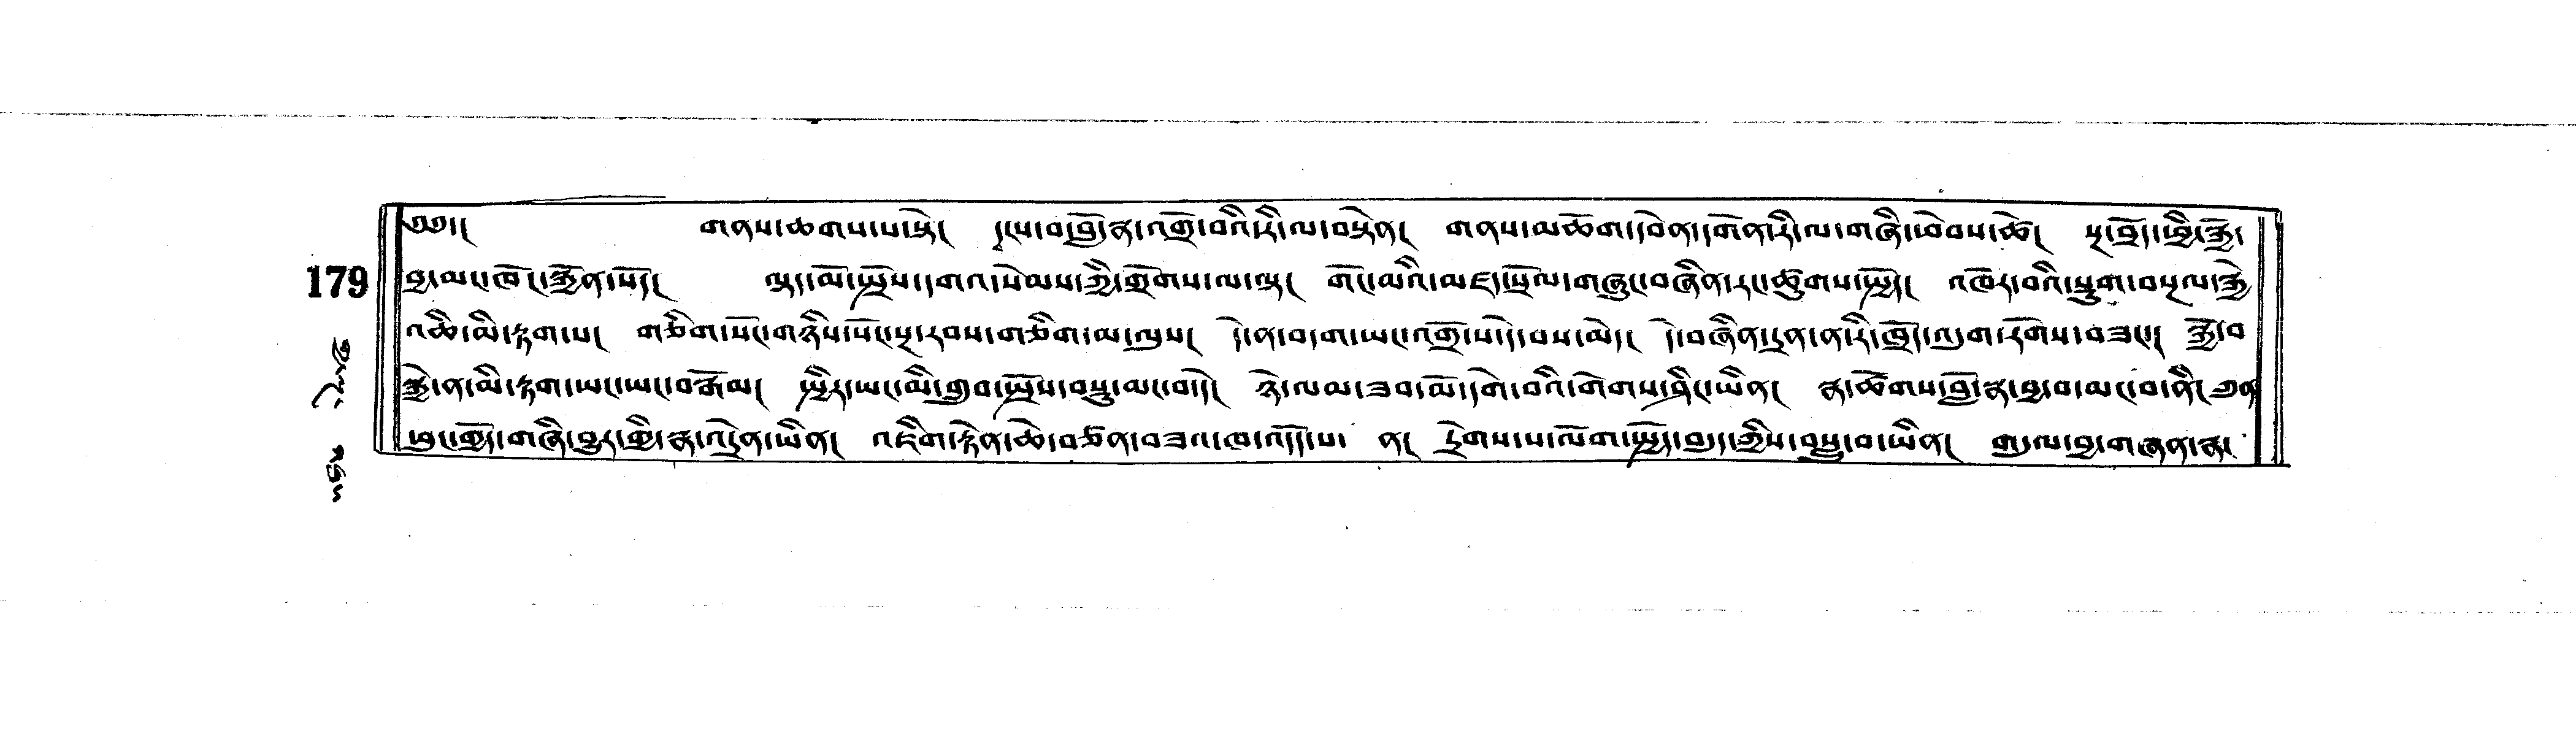གནས་ཆགས་པ་སྟེ། དྭངས་བ་བློ་སྣ་འགྲོ་བའི་རི་ལ་བསྟེན། གནས་མཆོག་དབེན་དགོན་རི་ལ་གཞི་ཕེབས་ཚེ། སྔ་བྲོད་ཕྱི་སྐྱོ་
བྱ་མང་ཁོང་སྐྱོན་སོད། ལྟད་མོ་སྤྲོས་དགའ་སེམས་ཀྱི་གྲོགས་ལ་ལྟ། གོང་མའི་མཛད་སྲོལ་གཞུང་བཞིན་རང་ཚུགས་སྤྱོད། འཁོར་བའི་སྡུག་བསྔལ་སྐྱེ་
འཆི་མི་རྟག་པ། གཅིག་སོང་གཉིས་སོང་སྔ་རབས་གཅིག་མ་ལུས། དེ་ན་བདག་ཀྱང་འགྲོ་ས་དེ་ལས་མེད། དེ་བཞིན་དྲན་ན་རི་ཁྲོད་འདུག་རོགས་བཟང་། སྐྱོ་བ་
སྐྱེ་ན་མི་རྟག་ཡང་ཡང་བསྒོམ། སྤྱིར་ཡང་མི་གྲུབ་སྤྲོ་བསྡུ་མང་བ་དེ། ཉེ་ལམ་ཟབ་མོ་དགེ་བའི་གེགས་ཤིང་ཡིན། སྣ་ཚོགས་བློ་སྣ་བྱ་བ་མང་བ་ནི། ཀུན་
ཕུང་གྱོད་གཞི་བྱུར་གྱི་སྣ་འདྲེན་ཡིན། འཇིག་རྟེན་ཆེ་བཙན་བཟའ་ཁ་འདོད་པ་ན། དྲེགས་པ་ལོག་སྤྱོད་བདུད་ཀྱིས་བསླུ་བ་ཡིན། གདུལ་བྱ་གཞན་སྣ་